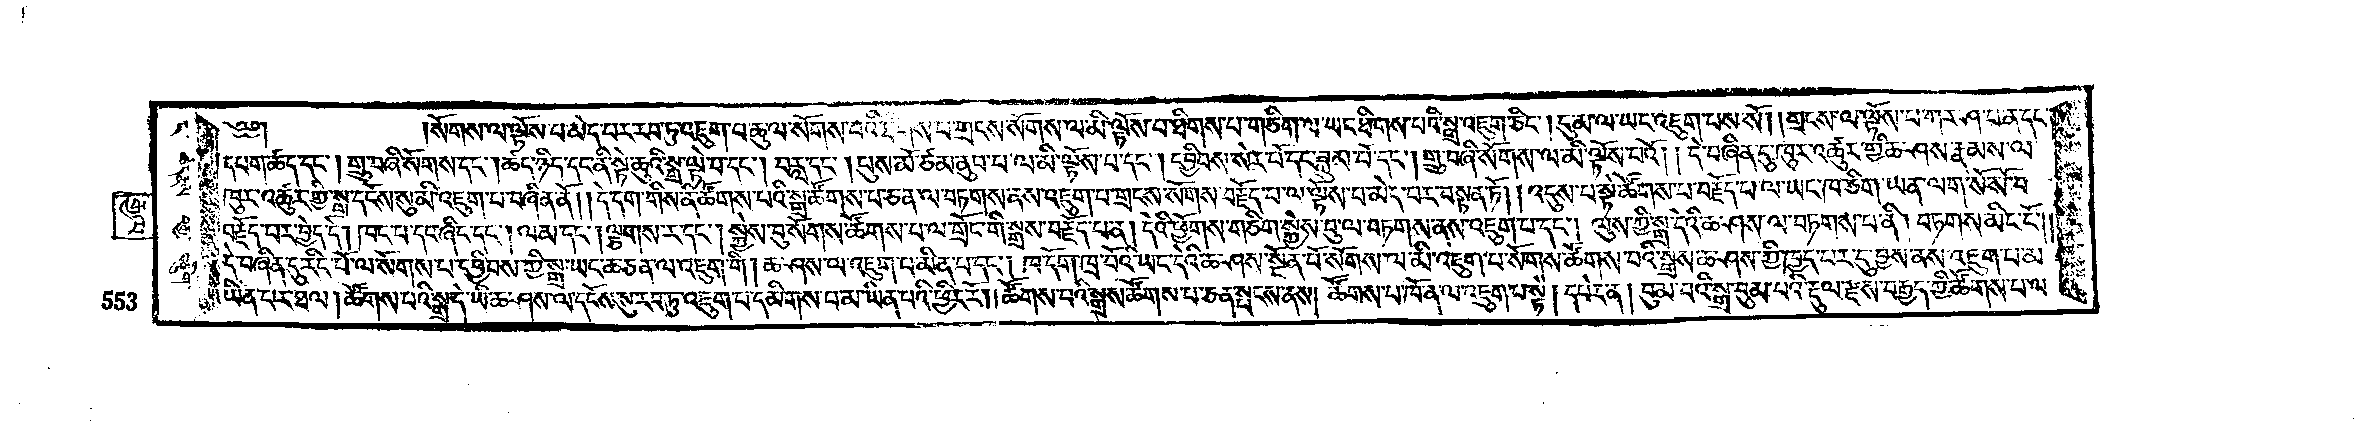༄༅། །སོགས་ལ་ལྟོས་པ་མེད་པར་རབ་ཏུ་འཇུག་པ་ཆུ་ལ་སོགས་པའི་ཐིགས་པ་གྲངས་སོགས་ལ་མི་ལྟོས་པ་ཐིགས་པ་གཅིག་ལ་ཡང་ཐིགས་པའི་སྒྲ་འཇུག་ཅིང་། དུ་མ་ལ་ཡང་འཇུག་པས་སོ། །གྲངས་ལ་ལྟོས་པ་གར་ཤ་པ་ན་དང་
དཔག་ཚད་དང་། གྲུ་བཞི་སོགས་དང་། ཚད་ཉིད་དང་ནི་སྟེ་ཆུའི་སྒྲ་ལྟེ་བ་དང་། བརླ་དང་། པུས་མོ་ཙམ་ནུབ་པ་ལ་མི་ལྟོས་པ་དང་། དབྱིབས་སེར་པོ་དང་ཟླུམ་པོ་དང་། གྲུ་བཞི་སོག་སླ་མི་ལྟོས་པའོ། །དེ་བཞིན་དུ་ཁུར་འཚུར་གྱི་ཆ་ཤས་རྣམས་ལ་
ཁུར་འཚུར་གྱི་སྒྲ་དངོས་སུ་མི་འཇུག་པ་བཞིན་ནོ། །དེ་དག་གིས་ནི་ཚོགས་པའི་སྒྲ་ཚོགས་པ་ཅན་ལ་བཏགས་ནས་འཇུག་པ་གྲངས་སོགས་བརྗོད་པ་ལ་ལྟོས་པ་མེད་པར་བསྟན་ཏོ། །འདུས་པ་སྟེ་ཚོགས་པ་བརྗོད་པ་ལ་ཡང་ཁ་ཅིག་ཡན་ལག་སོ་སོ་བ་
བརྗོད་པར་བྱེད་དེ། ཁང་པ་དང་ཞིང་དང་། ལམ་དང་། ལྕགས་ར་དང་། སྐྱེས་བུ་སོགས་ཚོགས་པ་ལ་གྲོང་གི་སྒྲས་བརྗོད་པ་ན། དེའི་ཕྱོགས་གཅིག་སྐྱེས་བུ་ལ་བཏགས་ནས་འཇུག་པ་དང་། ལུས་ཀྱི་སྒྲ་དེའི་ཆ་ཤས་ལ་བཏགས་པ་ནི། བཏགས་མིང་ངོ། །
དེ་བཞིན་དུ་རིང་པོ་ལ་སོགས་པ་དབྱིབས་ཀྱི་སྒྲ་ཡང་ཆ་ཅན་ལ་འཇུག་གི །ཆ་ཤས་ལ་འཇུག་པ་མིན་པ་དང་། ཁ་དོག་ཁྲ་བོའི་ཡང་དེའི་ཆ་ཤས་སྔོན་པོ་སོགས་ལ་མི་འཇུག་པ་སོགས་ཚོགས་པའི་སྒྲས་ཆ་ཤས་ཀྱི་ཁྱད་པར་དུ་བྱས་ནས་འཇུག་པ་མ་
ཡིན་པར་ཐལ། ཚོགས་པའི་སྒྲ་དེ་ཡི་ཆ་ཤས་ལ་དངོས་སུ་རབ་ཏུ་འཇུག་པ་དམིགས་པ་མ་ཡིན་པའི་ཕྱིར་རོ། །ཚོགས་པའི་སྒྲས་ཚོགས་པ་ཅན་སྤངས་ནས། ཚོགས་པ་ཁོ་ན་ལ་འཇུག་པ་སྟེ། དཔེར་ན། བུམ་པའི་སྒྲ་བུམ་པའི་རྡུལ་རྫས་བརྒྱད་ཀྱི་ཚོགས་པ་ལ་